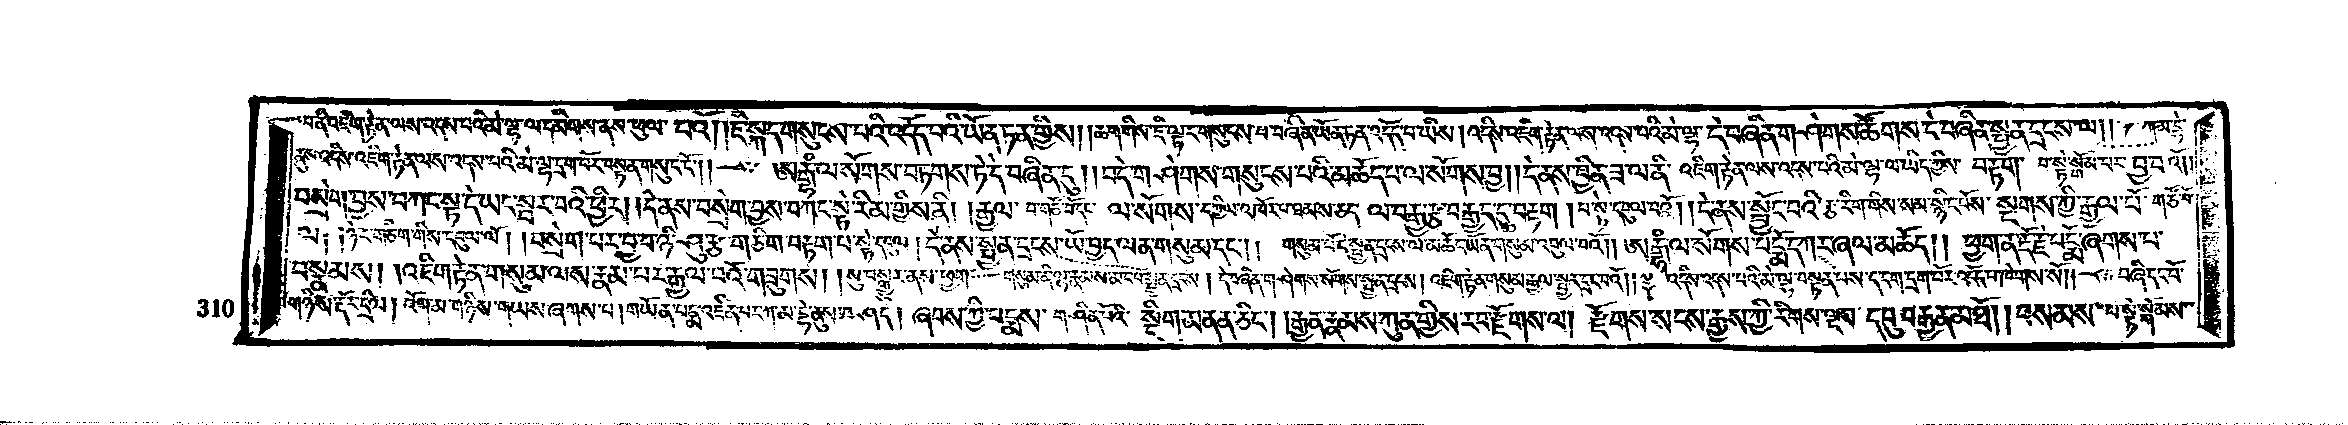པ་ནི་འཇིག་རྟེན་ལས་འདས་པའི་མེ་ལྷ་ལ་དམིགས་ནས་ཕུལ་པའོ། །ཇི་སྐད་གསུངས་པའི་འདོད་པའི་ཡོན་ཏན་གྱིས། ། ཆག་གིས་ཇི་ལྟར་གསུངས་པ་བཞིན་ཡོན་ཏན་འདོད་པ་ཡིས། འདིས་འཇིག་རྟེན་ལས་འདས་པའི་མེ་ལྷ་དེ་བཞིན་གཤེགས་ཚོགས་དེ་བཞིན་སྤྱན་དྲངས་ལ། །ཀ་མ་དྷེ་
ནུས་འདིས་འཇིག་རྟེན་ལས་འདས་པའི་མེ་ལྷ་དྲག་པོར་བསྟན་གསུང་ངོ། །ཨརྒྷཾ་ལ་སོགས་བཏགས་ཏེ་དེ་བཞིན་དུ། །བདེ་གཤེགས་གསུངས་པའི་མཆོད་པ་ལ་སོགས་བྱ། །དེ་ནས་བྱིན་ཟ་ལ་ནི་འཇིག་རྟེན་ལས་འདས་པའི་མེ་ལྷ་ལ་ཡིད་ཀྱིས་བརྟག་པ་སྟེ་སྒོམ་པར་བྱ་བའོ། །
བསྲེག་བྱས་བཀང་སྟེ་དེ་ཡང་སྦར་བའི་ཕྱིར། །དེ་ནས་བསྲེག་བྱས་བཀང་སྟེ་རིམ་གྱིས་ནི། །རྒྱལ་བ་གཙོ་བོ་དང་ལ་སོགས་དཀྱིལ་འཁོར་པ་ཐམས་ཅད་ལ་བརྒྱ་རྩ་བརྒྱད་དུ་བརྟག ། པ་སྟེ་དབུལ་བའོ། །དེ་ནས་སྦྱོང་བའི་རྩ་རིག་གིས་སམ་སྙིང་པོས་སྔགས་ཀྱི་རྒྱལ་པོ་གཙོ་བོ
ལ། ། ཉེར་གཅིག་གིས་དབུལ་ལོ། །བསྲེག་པར་བྱ་བ་ཉི་ཤུ་རྩ་གཅིག་བརྟག་པ་སྟེ་དབུལ། དེ་ནས་སྤྱན་དྲངས་ཡོ་བྱད་ལན་གསུམ་དང་། ། གསུམ་པོ་དེ་སྤྱན་དྲངས་ལ་མཆོད་ཡོན་གསུམ་འབུལ་བའོ། །ཨརྒྷཾ་ལ་སོགས་པདམོ་དཀར་ཞལ་མཆོད། །ཕྱག་ན་རྡོ་རྗེ་པདམོ་ཞགས་པ་
བསྣམས། །འཇིག་རྟེན་གསུམ་ལས་རྣམ་པར་རྒྱལ་བའི་གཟུགས། །སུ་བསྒྱུར་ནས་ཕྱག་གསུམ་ནི་ལྷ་རྣམས་མང་པོ་སྤྱན་དྲངས། དེ་བཞིན་གཤེགས་སོགས་སྤྱན་དྲངས། འཇིག་རྟེན་གསུམ་རྒྱལ་སྤྱན་དྲང་བའོ། །༈ འདིས་འདས་པའི་མེ་ལྷ་བསྟན་པས་དེ་དག་དྲག་པོར་འདོད་པ་ཁགས་སོ། །བཞི་དང་པོ་
གཉིས་རྡོར་དྲིལ། འོག་མ་གཉིས་གཡས་ཞགས་པ། གཡོན་པདམ་འཛིན་པར་ཀ་མ་དྷེ་ནུས་བཤད། ཞབས་ཀྱི་པདམས་གཤིན་པོའི་སྡིག་མནན་ཅིང་། །རྒྱན་རྣམས་ཀུན་གྱིས་རབ་རྫོགས་ལ། རྫོགས་སངས་རྒྱས་ཀྱི་རིགས་ལྔས་དབུ་བརྒྱན་མཐོ། །བསམས་པ་སྟེ་སྒོམས་